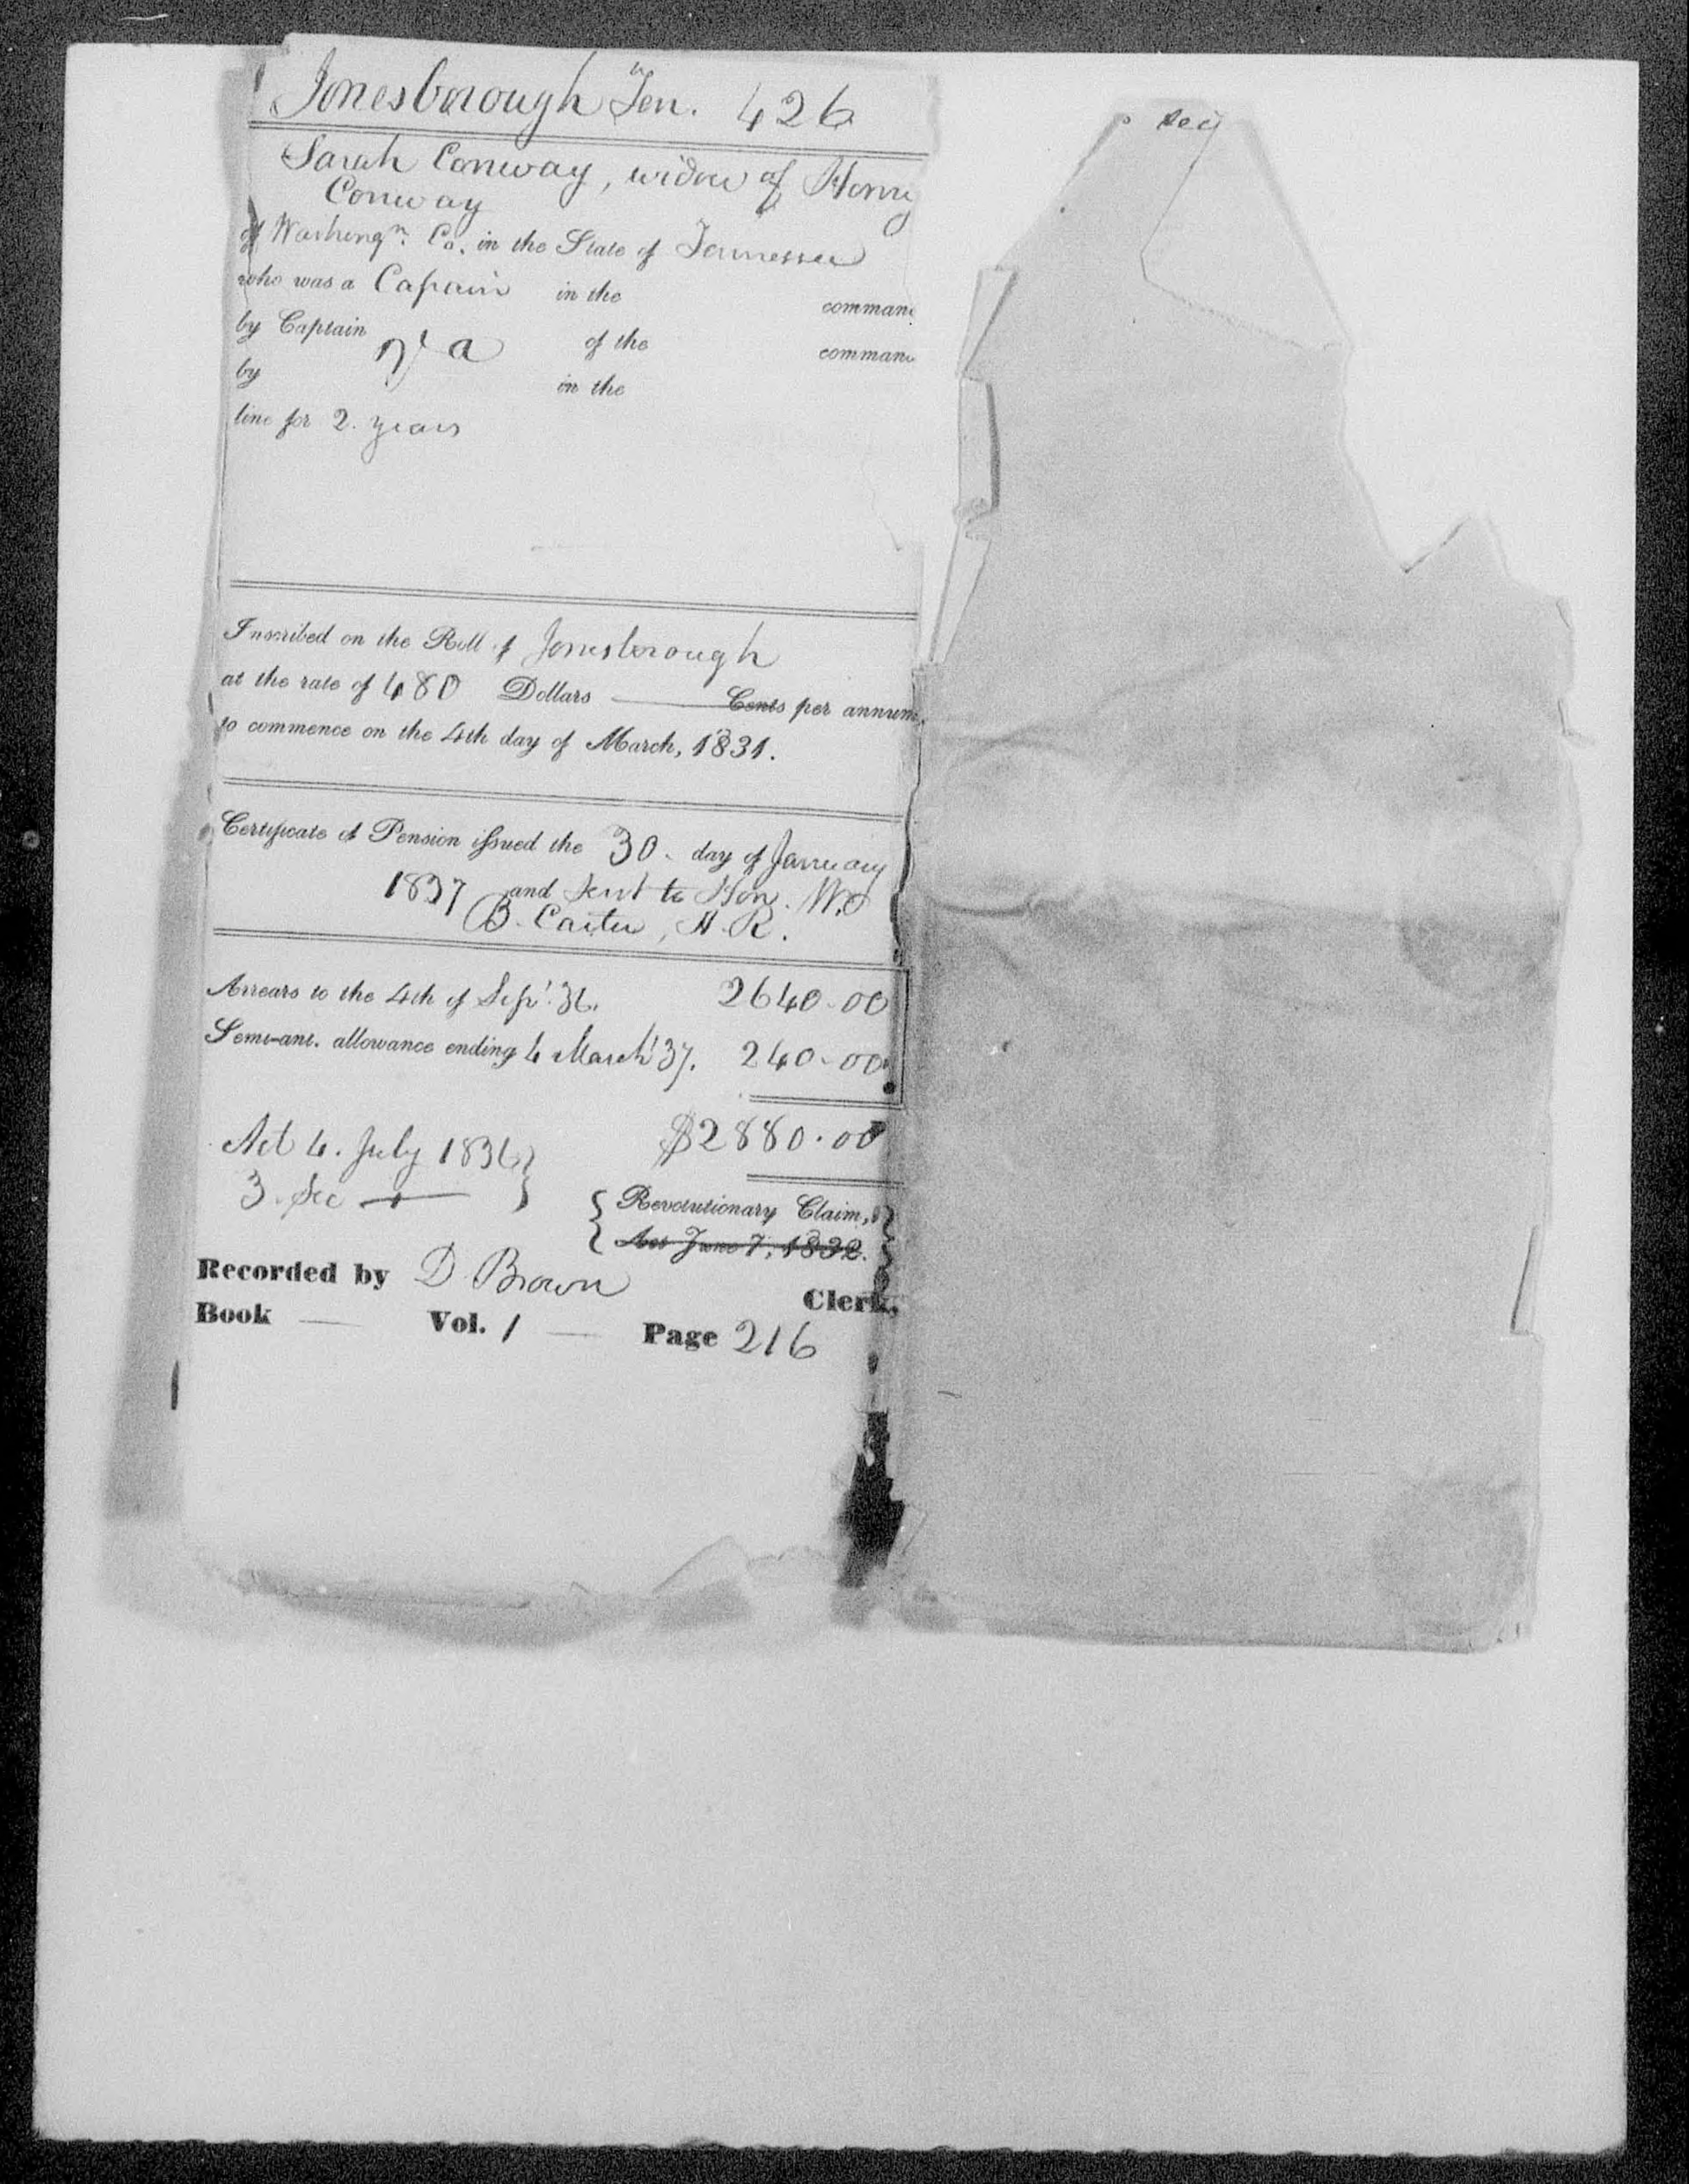Jonesborough Tenn.  426

Sarah Conway, widow of Henry Conway

of Washington Co., in the State of Tennessee
who was a Captain in the      commanded by
Captain   of the ....commanded by ... in the 
VA line for 2 years

Inscribed on the Roll of Jonesborough 
at the rate of $480 Dollars per annum,
to commence on the 4th day of March, 1831.

Certificate of Pension issued the 30th day of January 1837 and sent to Hon. W.B. Carter, H.R.

Arrears to the 4th of Sept. 1836   $2640.00
Semi-anl. allowance ending 4 March 1837  $240.00

$2880.00

Act 6 July 1836}
3 Sec.}

{Revolutionary Claim,}

Recorded by D. Brown Clerk
Book   Vol. 1  Page 216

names: D Brown, Henry Conway, W B Carter, Sarah Conway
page: 2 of 13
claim: widow's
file: W. 6,719, Henry Conway, Va.